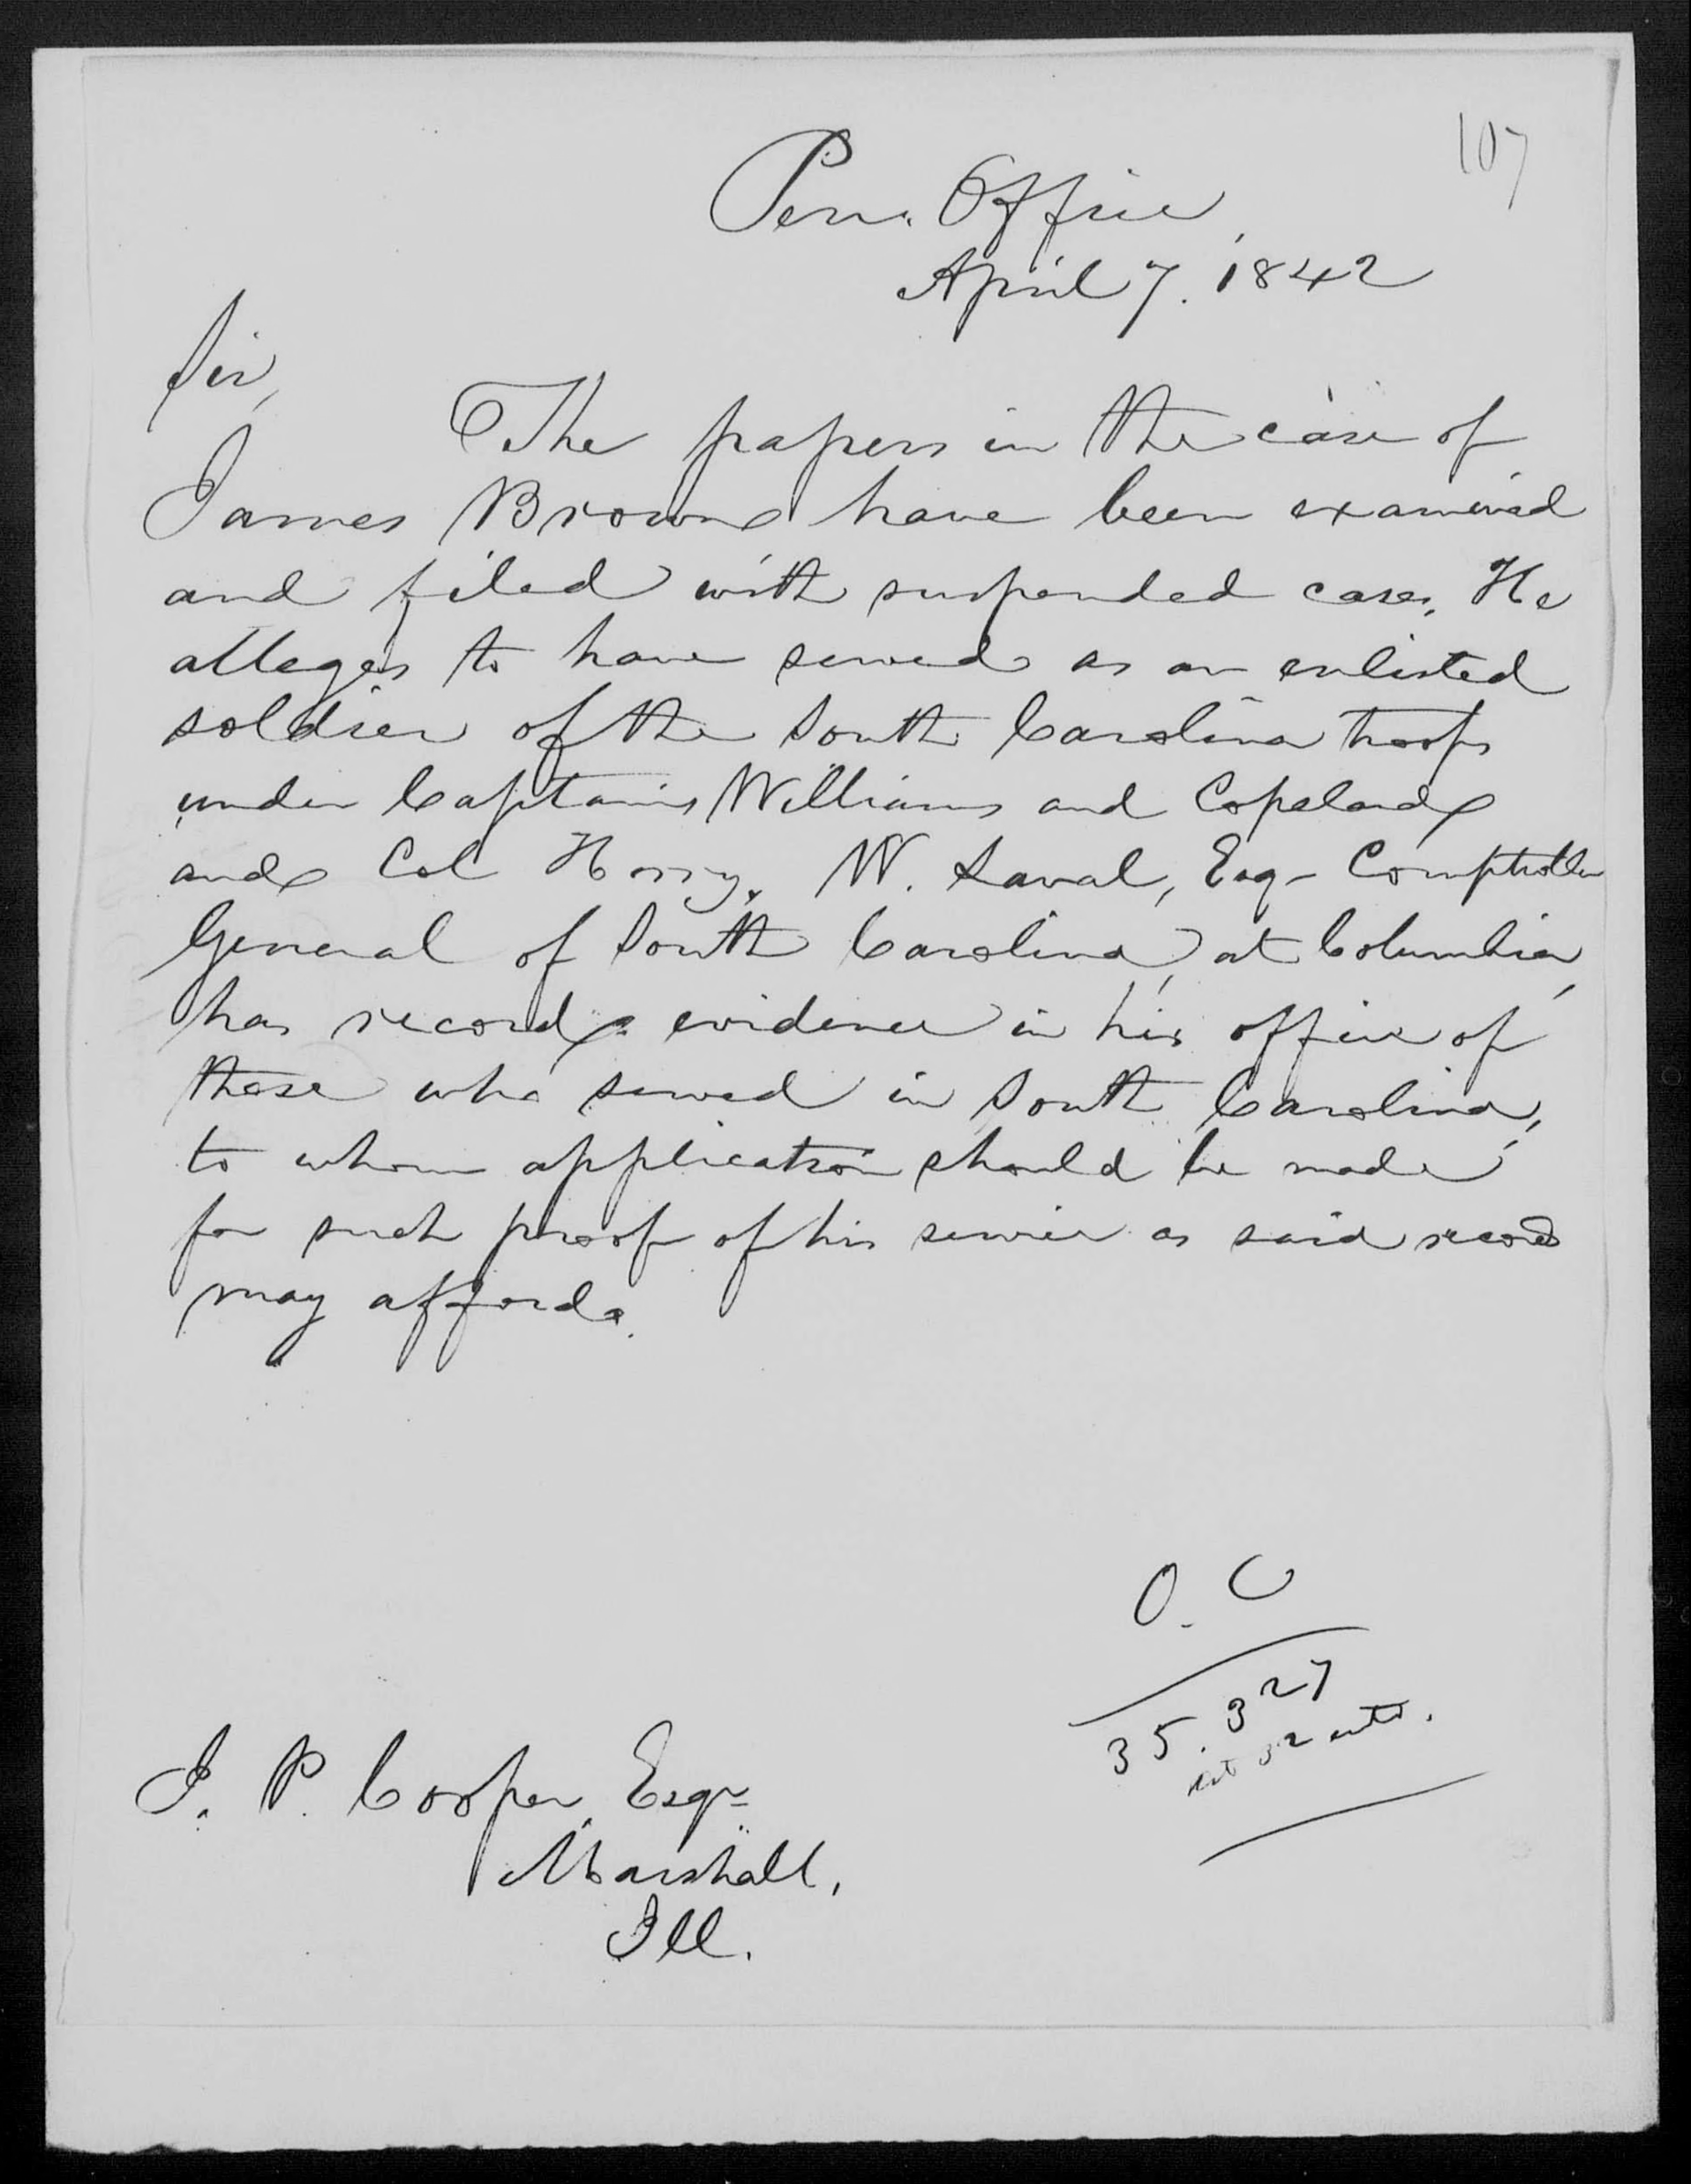Pens Office April 7. 1842   107
Sir
The papers in the case of James Brown have been examined
and filed with suspended cases. He
alleges to have served as an enlisted
soldier of the South Carolina troops
under Captain Williams and Copeland
and Col Horry.
W. Saval, Esq. Comptroller General of South Carolina at Columbia has record evidence in his office of
those who served in South Carolina
to whom application should be made
for such proof of his service as said record may afford
J. P. Cooper, Esq
Marshall, Ill

OV 35.327 act 32 entd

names: W Laval, J P Cooper, Horry, Williams, James Brown, Copeland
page: 35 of 41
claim: rejected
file: R. 1309, James Brown, S.C.